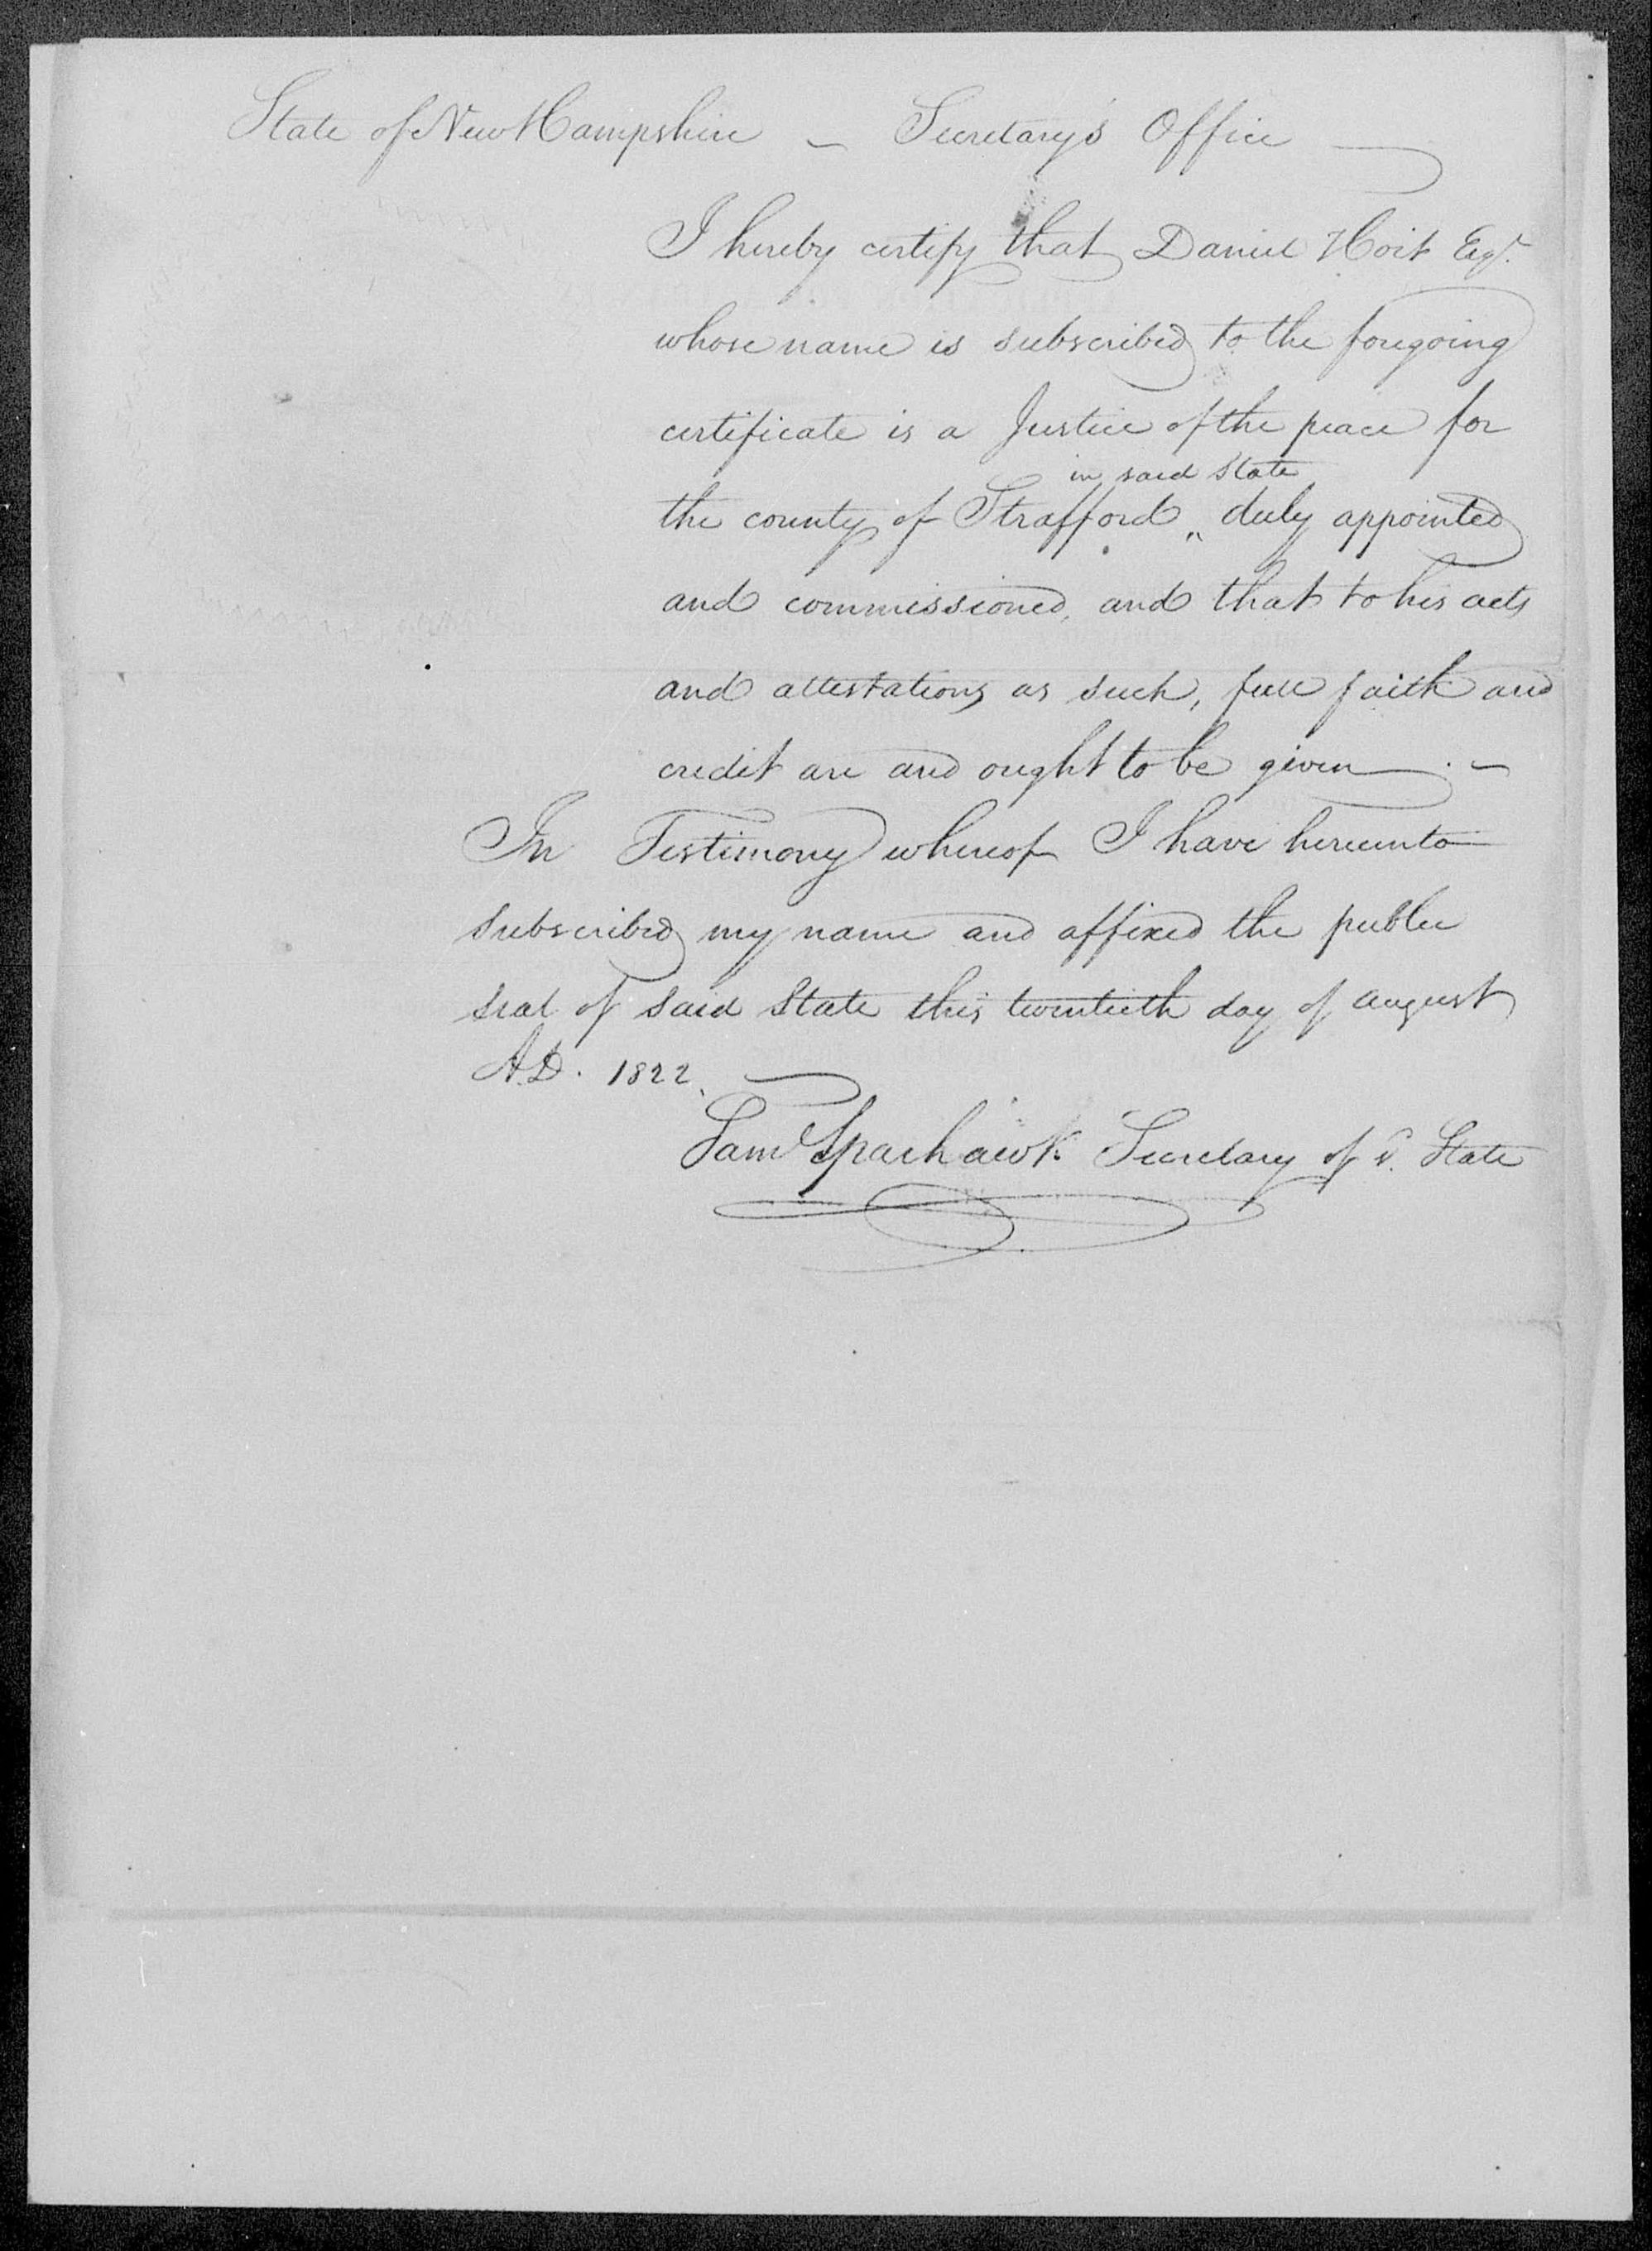State of New Hampshire   Secretary's Office

I hereby certify that Daniel Hoit Esqr whose name is subscribed to the foregoing certificate is a Justice of the peace for the county of Strafford in said State duly appointed and commissioned and that to his acts and attestations as such, full faith and credit are and ought to be given  - 

In Testimony whereof I have hereunto subscribed my name and affixed the public Seal of Said State this twentieth day of August A.D. 1822

Signature of Saml Sparhawk  Secretary of State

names: Daniel Hoit, Saml Sparkawk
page: 20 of 22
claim: survivor's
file: S 44445, Jacob Hodsdon, Mass.